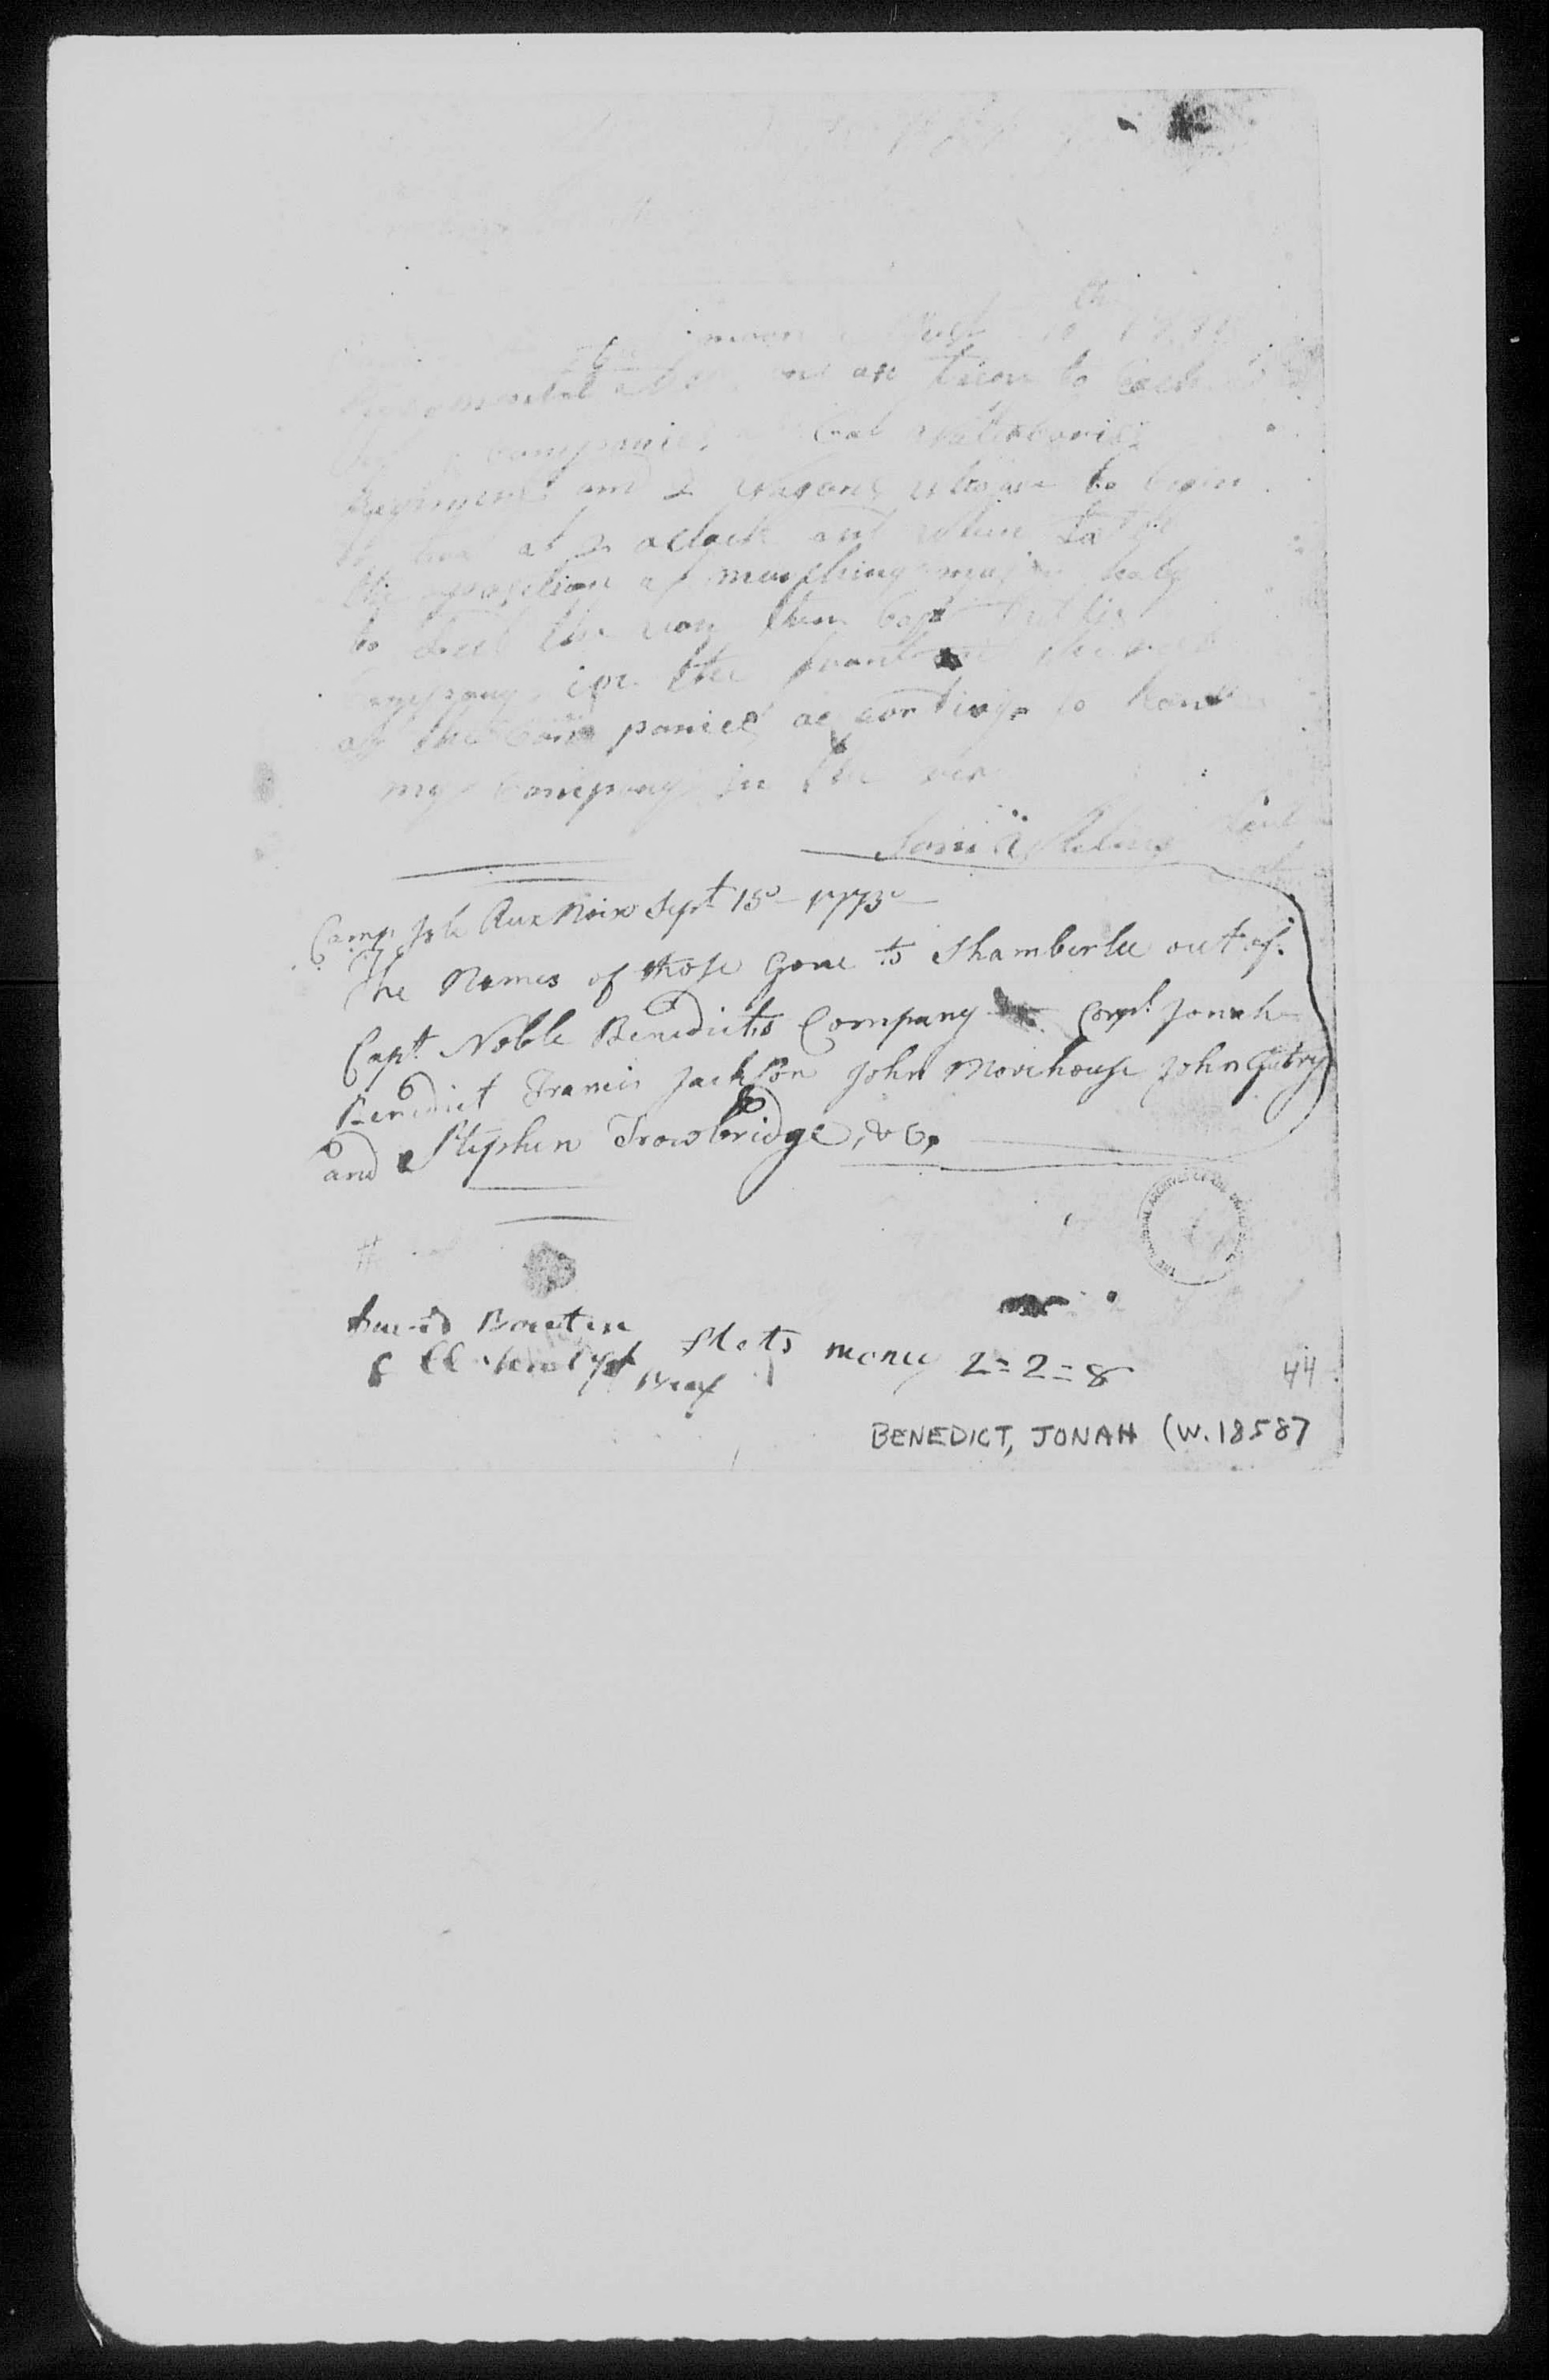as time to
all
and persons who are to be
that I allock and when at
portion of making a holy
is at the may then be
in the part
the companies according to him
my Company in the ver
Tomlins
---
-
Camp Toh Aux Noise Sept 15 1773
The names of those gone to Shamberlee out of
Capt Noble Benedicts Company Corpl Jonah
benedict Francis Jackson John Morehouse John Gutry
and Stephen Trowbridge, &c

David Barton  shots money  2=2=8          44
May 22
BeNEDICT, JONA (W.18587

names: Jonah, Jonah Benedict, John Gutry, John Morehouse, Francis Jackson, Jonah Benedict, Stephen Trowbridge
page: 14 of 56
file: [ILLEGIBLE], Jonah Benedict, Conn.